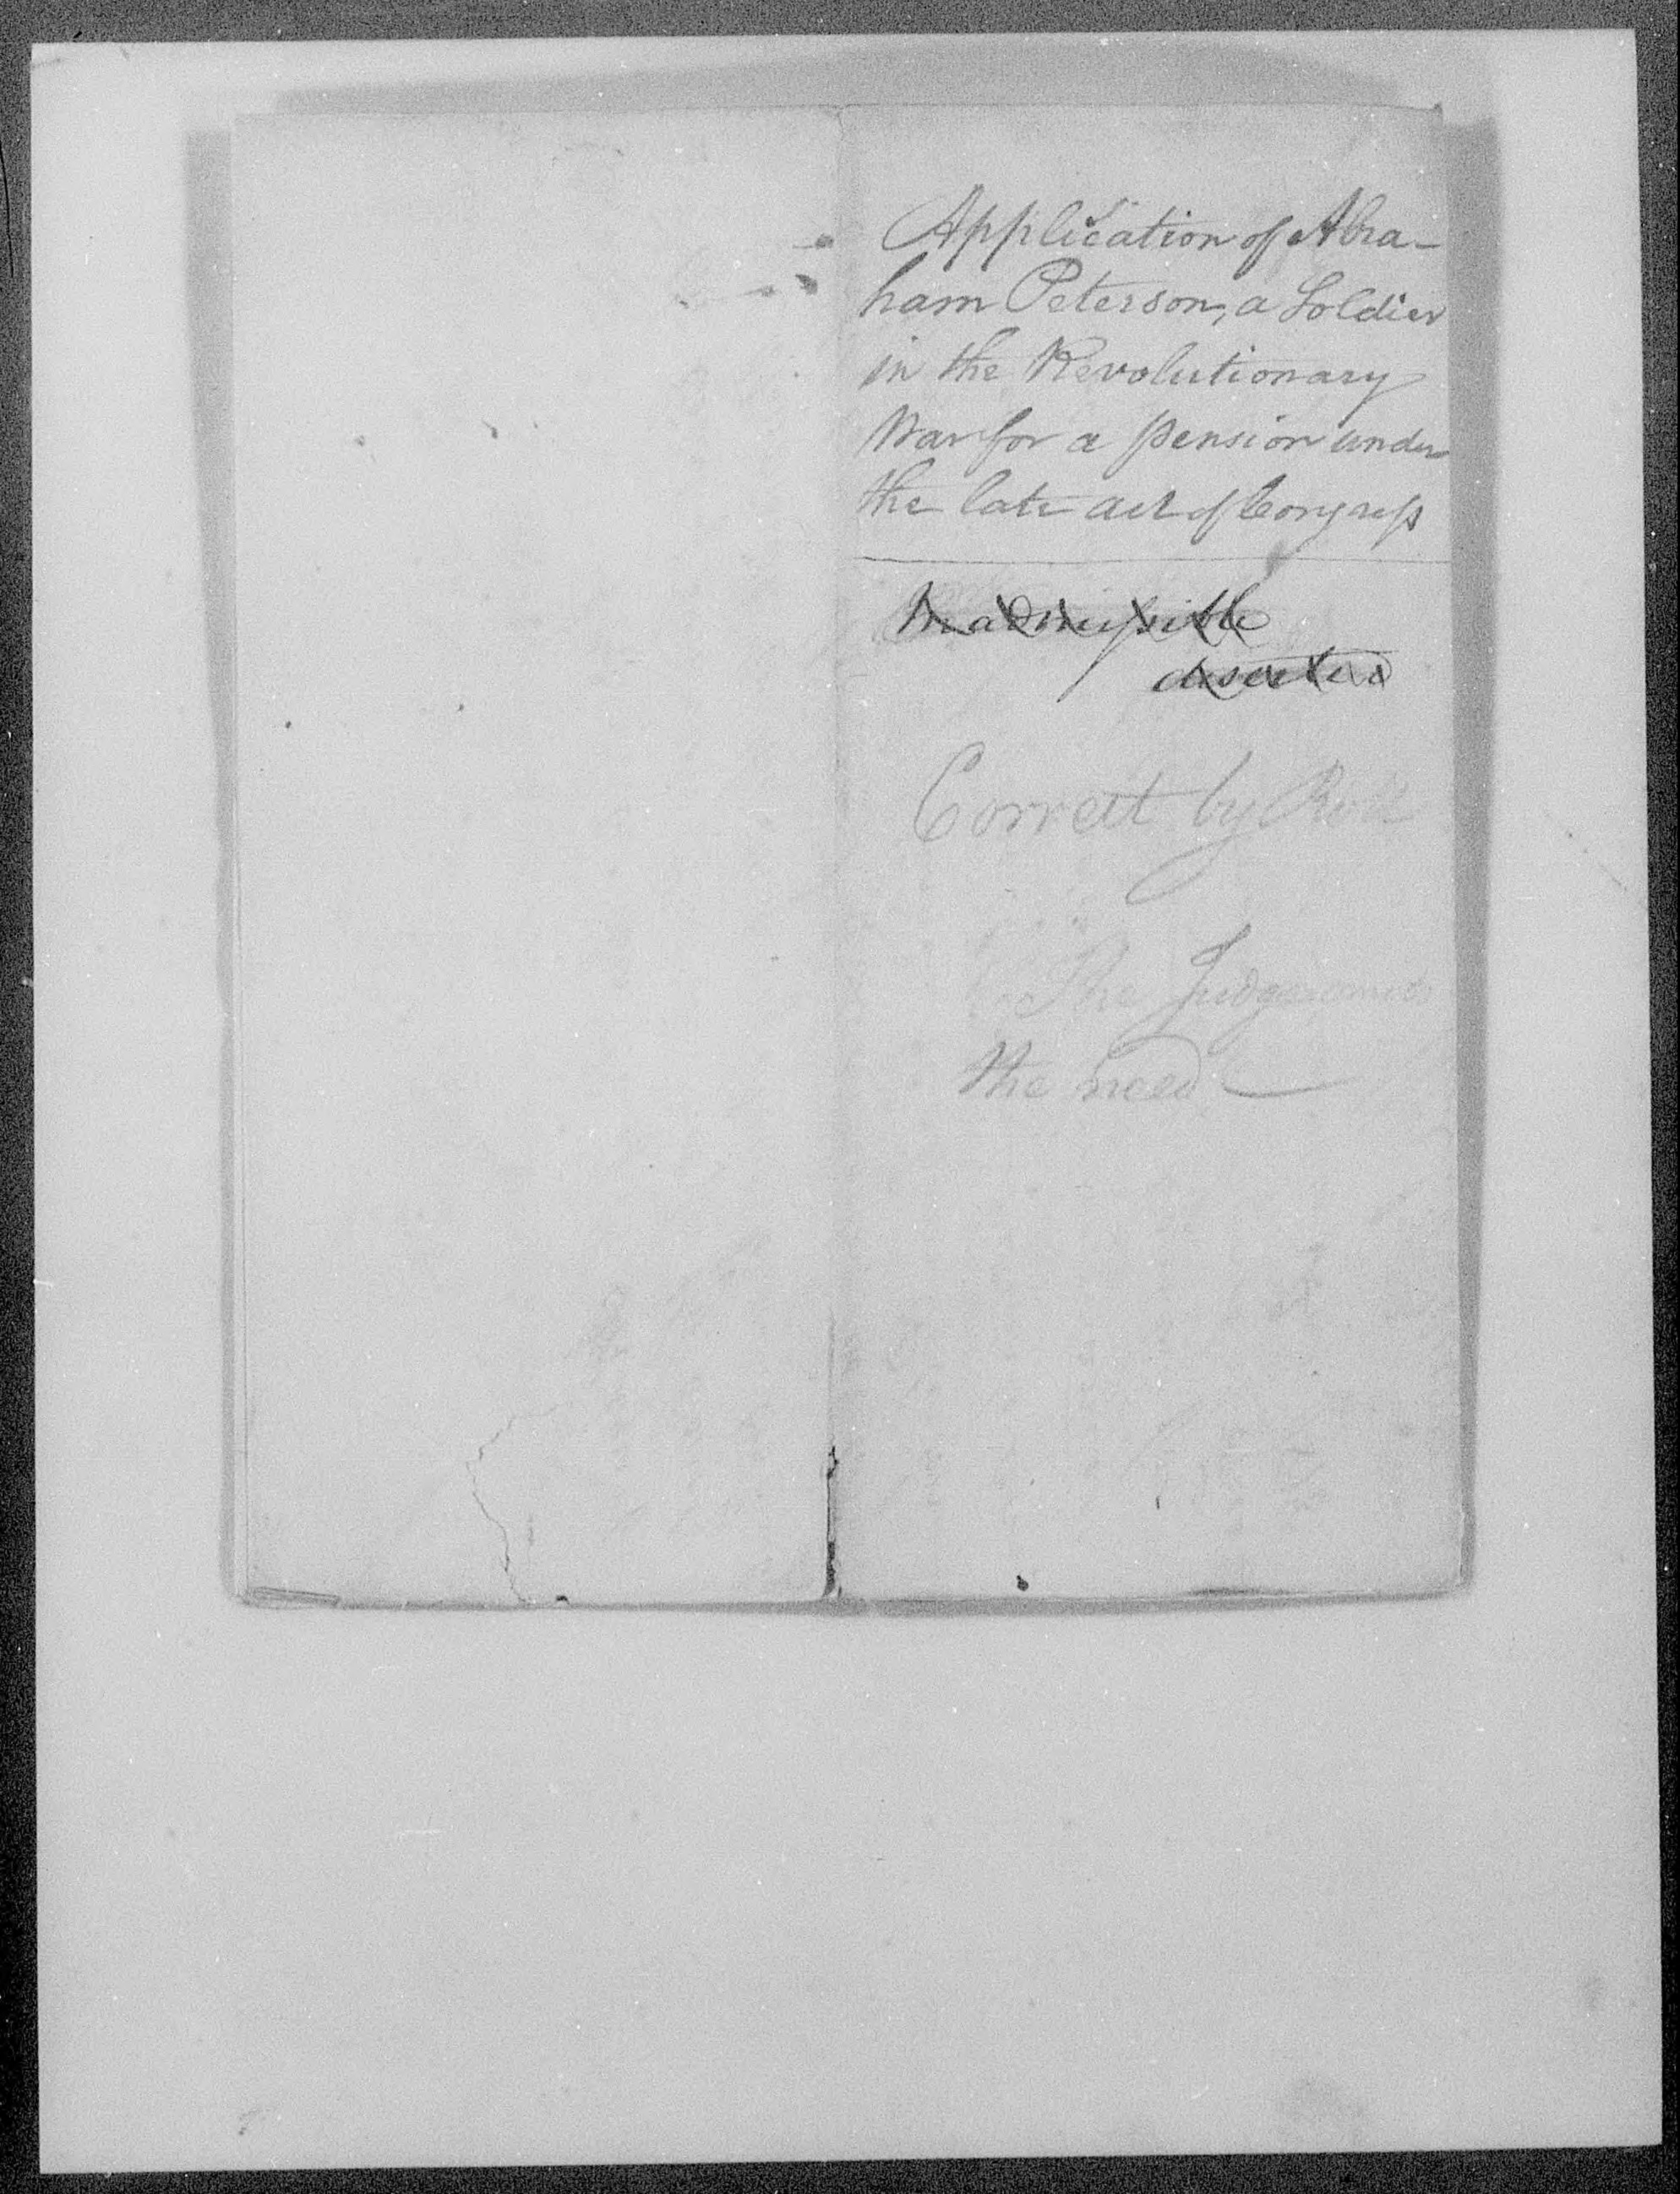Application of Abram
ham Peterson, a Soldier
in the Revolutionary 
War for a pension under 
the late act of Congress
_________________________
[?] {crossed out]

Correct by Roll
The Judgements
the need-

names: Abraham Peterson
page: 3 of 12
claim: survivor's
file: S. 34,471, for Abraham Peterson, New Jersey